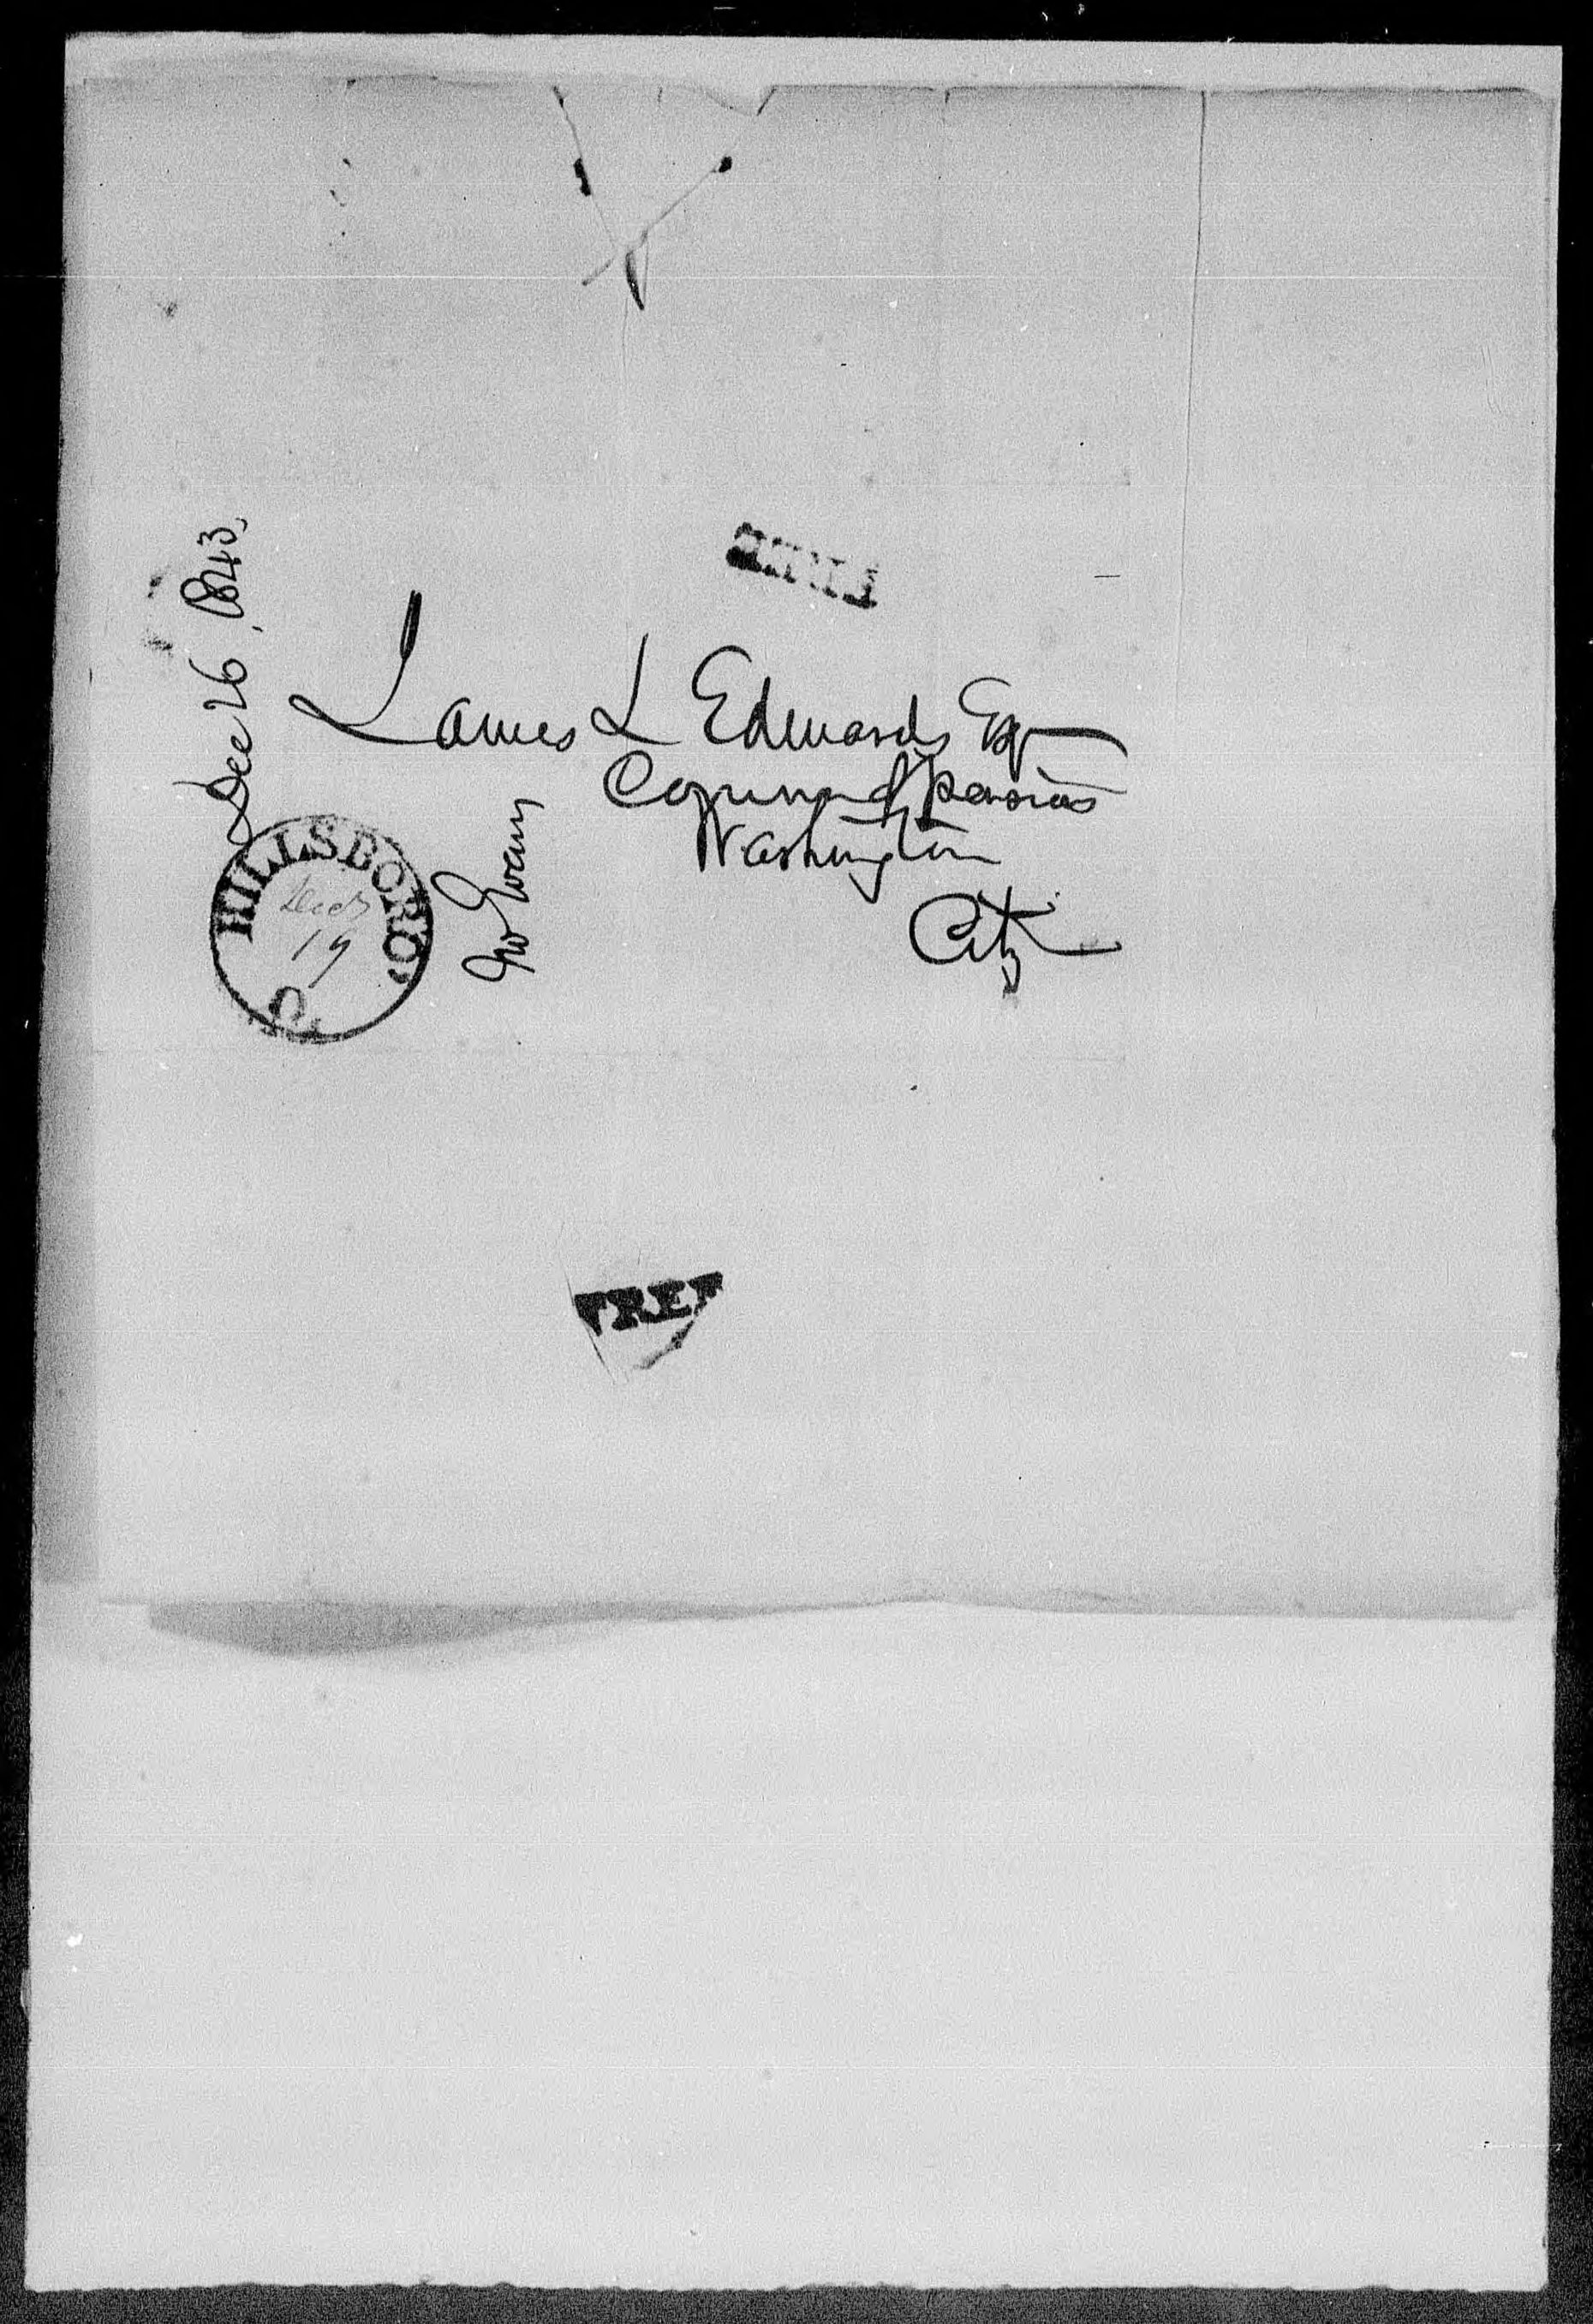Dec 26 1843,

[Postal Stamp]
HILLSBORO O.
Dec 19

JW Evans

FREE
James L Edwards
Comm of Pensions
Washington City
FREE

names: James L Edwards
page: 42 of 80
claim: widow's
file: W 2070, John Crawford, Penn.